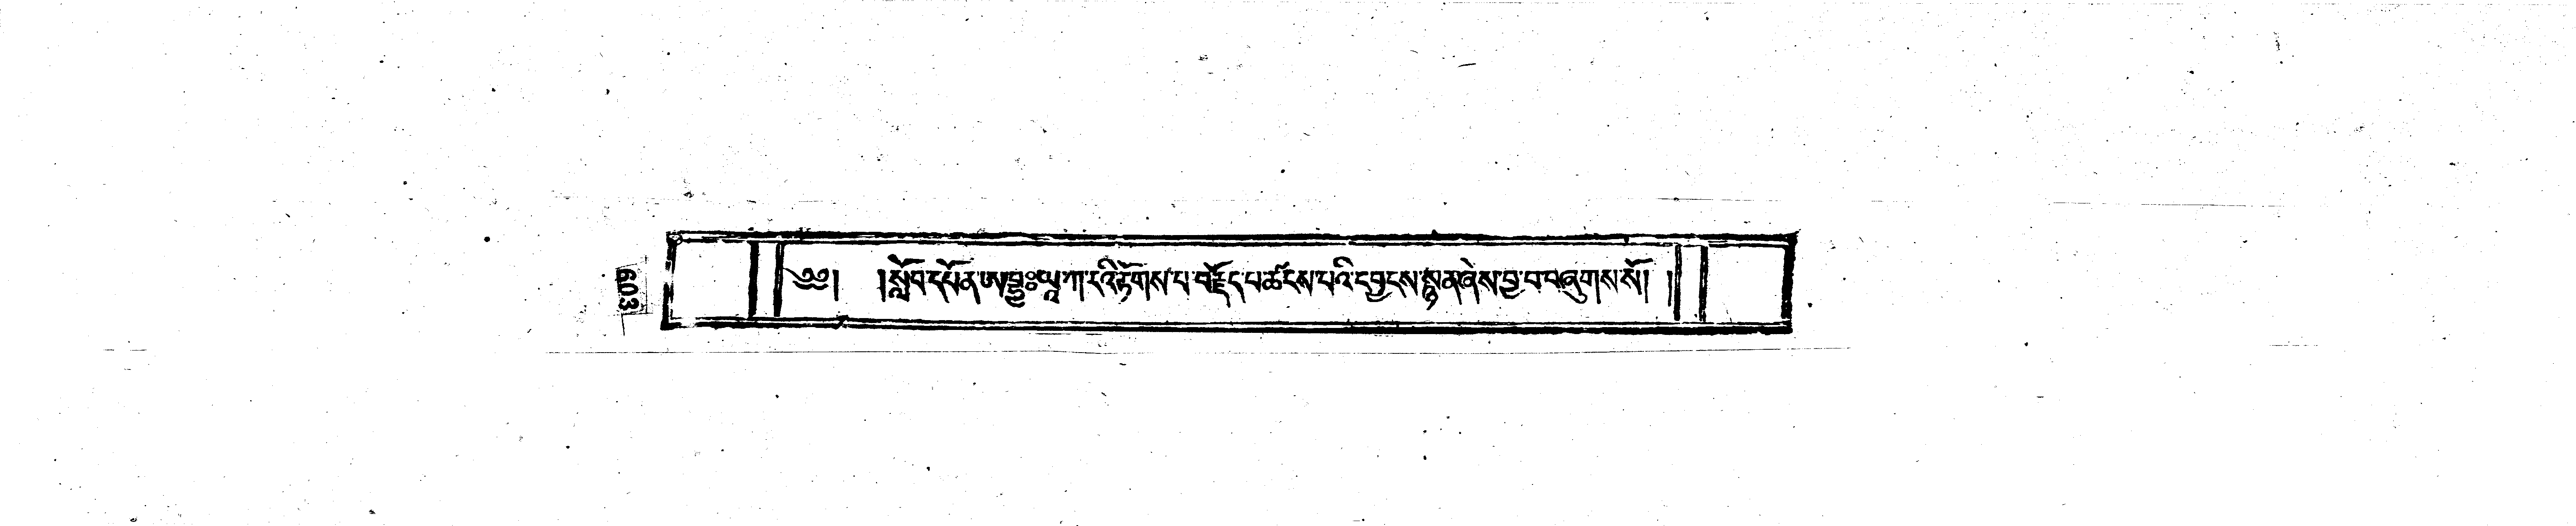༄༅། །སློབ་དཔོན་ཨ་བྷཿ ཡཱ་ཀ་རའི་རྟོགས་པ་བརྗོད་པ་ཚངས་པའི་དབྱངས་སྙན་ཞེས་བྱ་བ་བཞུགས་སོ། །